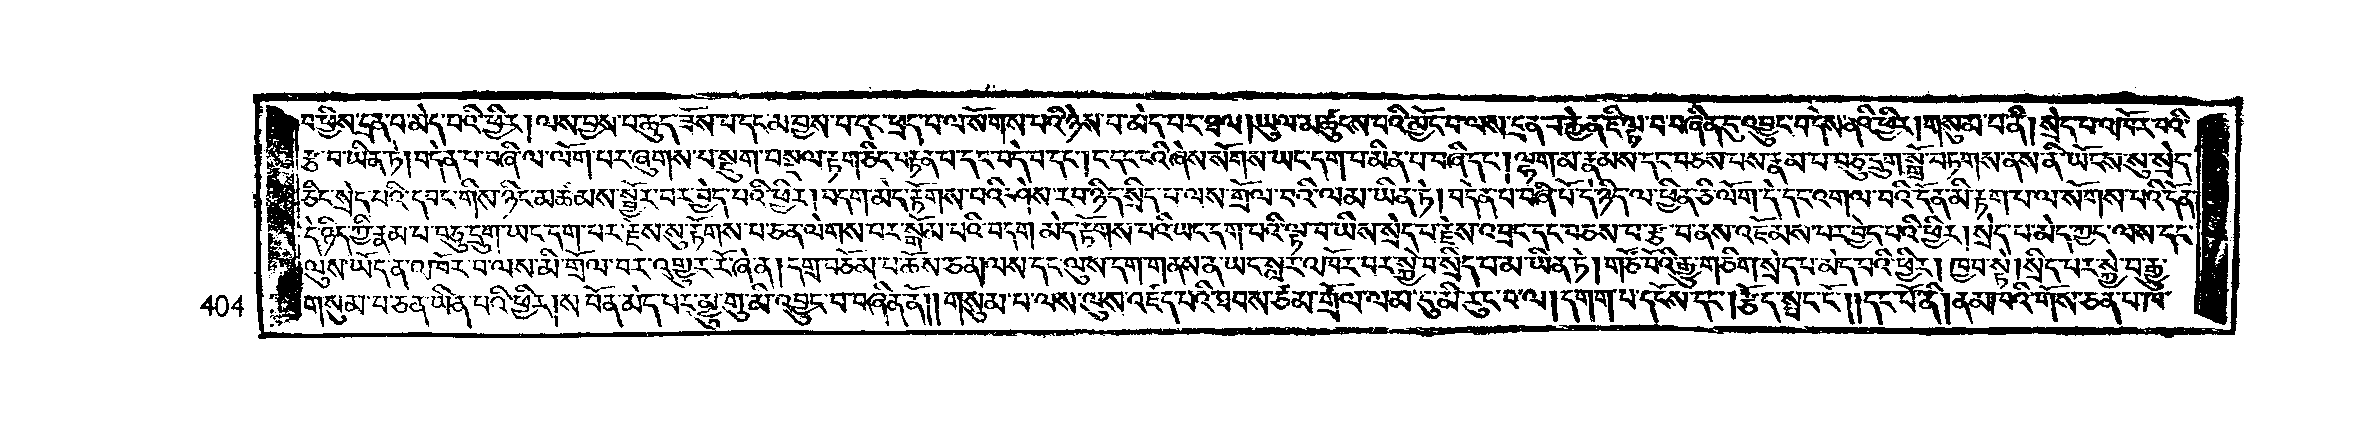བ་ཕྱིས་དྲན་པ་མེད་པའི་ཕྱིར། ལས་བྱས་པ་ཆུད་ཟོས་པ་དང་མ་བྱས་པ་དང་ཕྲད་པ་ལ་སོགས་པའི་ཉེས་པ་མེད་པར་ཐལ། ཡུལ་མཚུངས་པའི་མྱོང་བ་ལས་དྲན་པ་རྐྱེན་ཇི་ལྟ་བ་བཞིན་དུ་འབྱུང་བ་དེས་ནའི་ཕྱིར། གསུམ་པ་ནི། སྲིད་པ་འཁོར་བའི་
རྩ་བ་ཡིན་ཏེ། བདེན་པ་བཞི་ལ་ལོག་པར་ཞུགས་པ་སྡུག་བསྔལ་རྟག་ཅིང་བརྟན་པ་དང་བདེ་བ་དང་། ང་དང་ངའི་ཞེས་སོགས་ཡང་དག་པ་མིན་པ་བཞི་དང་། ལྷག་མ་རྣམས་དང་བཅས་པས་རྣམ་པ་བཅུ་དྲུག་སྒྲོ་བཏགས་ནས་ནི་ཡོངས་སུ་སྲེད་
ཅིང་སྲེད་པའི་དབང་གིས་ཉིང་མཚམས་སྦྱོར་བར་བྱེད་པའི་ཕྱིར། བདག་མེད་རྟོགས་པའི་ཤེས་རབ་ཉིད་སྲིད་པ་ལས་གྲོལ་བའི་ལམ་ཡིན་ཏེ། བདེན་པ་བཞི་པོ་དེ་ཉིད་ལ་ཕྱིན་ཅི་ལོག་དེ་དང་འགལ་བའི་དོན་མི་རྟག་པ་ལ་སོགས་པའི་དོན་
དེ་ཉིད་ཀྱི་རྣམ་པ་བཅུ་དྲུག་ཡང་དག་པར་རྗེས་སུ་རྟོགས་པ་ཅན་ལེགས་པར་སྒོམ་པའི་བདག་མེད་རྟོགས་པའི་ཡང་དག་པའི་ལྟ་བ་ཡིས་སྲེད་པ་རྗེས་འབྲང་དང་བཅས་པ་རྩ་བ་ནས་འཇོམས་པར་བྱེད་པའི་ཕྱིར། སྲེད་པ་མེད་ཀྱང་ལས་དང་
ལུས་ཡོད་ན་འཁོར་བ་ལས་མི་གྲོལ་བར་འགྱུར་རོ་ཞེ་ན། དགྲ་བཅོམ་པ་ཆོས་ཅན། ལས་དང་ལུས་དག་གནས་ན་ཡང་སླར་འཁོར་བར་སྐྱེ་བ་སྲིད་པ་མ་ཡིན་ཏེ། གཙོ་བོའི་རྒྱུ་གཅིག་སྲེད་པ་མེད་པའི་ཕྱིར། ཁྱབ་སྟེ། སྲིད་པར་སྐྱེ་བ་རྒྱུ་
གསུམ་པ་ཅན་ཡིན་པའི་ཕྱིར། ས་བོན་མེད་པར་མྱུ་གུ་མི་འབྱུང་བ་བཞིན་ནོ། །གསུམ་པ་ལས་ལུས་མཛད་པའི་ཐབས་ཙམ་གྲོལ་ལམ་དུ་མི་རུང་བ་ལ། དགག་པ་དངོས་དང་། རྩོད་སྤང་ངོ། །དང་པོ་ནི། ནམ་མཁའི་གོས་ཅན་པ་ཁ་